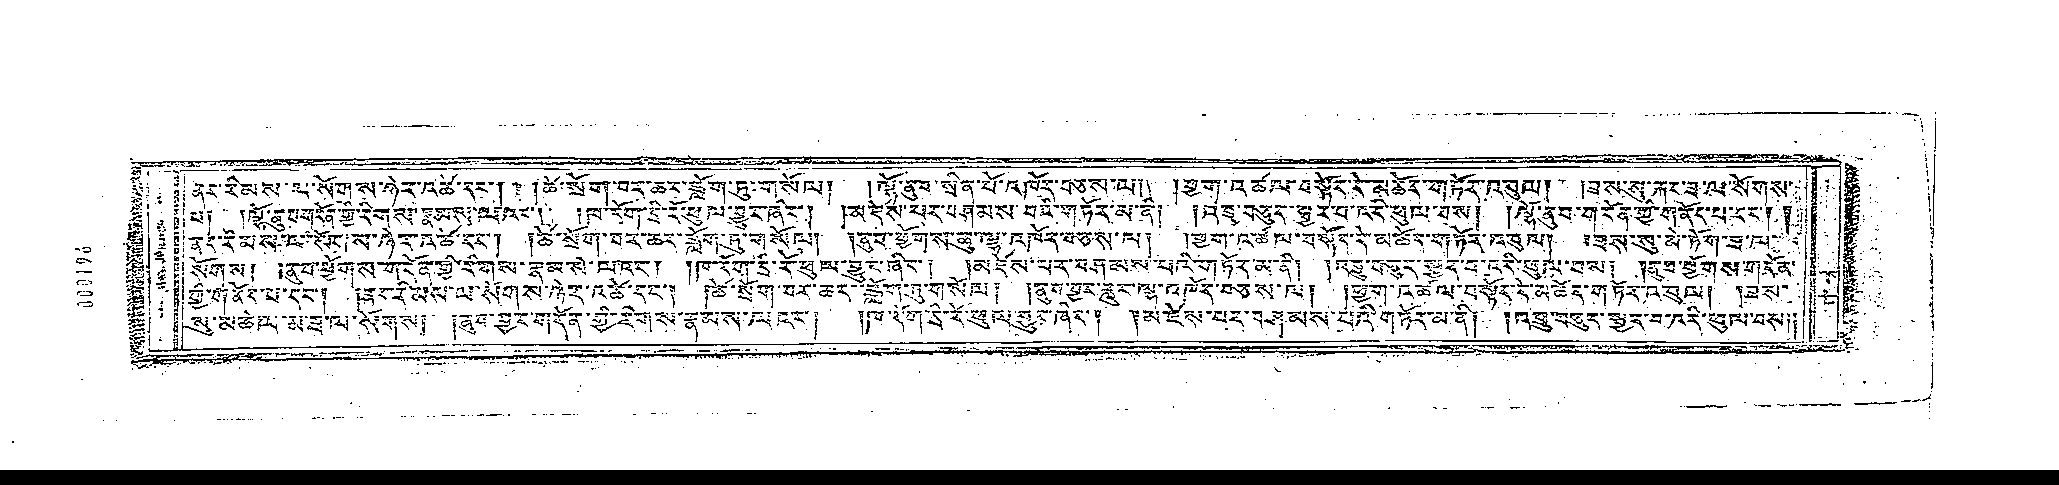ནད་རིམས་ལ་སོགས་ཉེར་འཚེ་དང་། །ཚེ་སྲོག་བར་ཆད་ཟློག་ཏུ་གསོལ། །ལྷོ་ནུབ་སྲིན་པོ་འཁོར་བཅས་ལ། །ཕྱག་འཚལ་བསྟོད་དེ་མཆོད་གཏོར་འབུལ། །ཟས་སུ་རྐང་ཟ་ལ་སོགས་
པ། །ལྷོ་ནུབ་གདོན་གྱི་རིགས་རྣམས་ལའང་། །ཁ་དོག་དྲི་རོ་ཕུལ་བྱུང་ཞིང་། །མཛེས་པར་བཤམས་པའི་གཏོར་མ་ནི། །འབྲུ་བཅུད་སྦྱར་བ་འདི་ཕུལ་བས། །ལྷོ་ནུབ་གདོན་གྱི་གནོད་པ་དང་། །
ནད་རིམས་ལ་སོགས་ཉེར་འཚེ་དང་། །ཚེ་སྲོག་བར་ཆད་ཟློག་ཏུ་གསོལ། །ནུབ་ཕྱོགས་ཆུ་ལྷ་འཁོར་བཅས་ལ། །ཕྱག་འཚལ་བསྟོད་དེ་མཆོད་གཏོར་འབུལ་།ཟས་སུ་མེ་ཏོག་ཟ་ལ་
སོགས། །ནུབ་ཕྱོགས་གདོན་གྱི་རིགས་རྣམས་ལའང་། །ཁ་དོག་དྲི་རོ་ཕུལ་བྱུང་ཞིང་། །མཛེས་པར་བཤམས་པའི་གཏོར་མ་ནི། །འབྲུ་བཅུད་སྦྱར་བ་འདི་ཕུལ་བས། །ནུབ་ཕྱོགས་གདོན་
གྱི་གནོད་པ་དང་། །ནད་རིམས་ལ་སོགས་ཉེར་འཚེ་དང་། །ཚེ་སྲོག་བར་ཆད་ཟློག་ཏུ་གསོལ། །ནུབ་བྱང་རླུང་ལྷ་འཁོར་བཅས་ལ། །ཕྱག་འཚལ་བསྟོད་དེ་མཆོད་གཏོར་འབུལ། །ཟས་
སུ་མཆིལ་མ་ཟ་ལ་སོགས། །ནུབ་བྱང་གདོན་གྱི་རིགས་རྣམས་ལའང་། །ཁ་དོག་དྲི་རོ་ཕུལ་བྱུང་ཞིང་། མཛེས་པར་བཤམས་པའི་གཏོར་མ་ནི། །འབྲུ་བཅུད་སྦྱར་བ་འདི་ཕུལ་བས།།